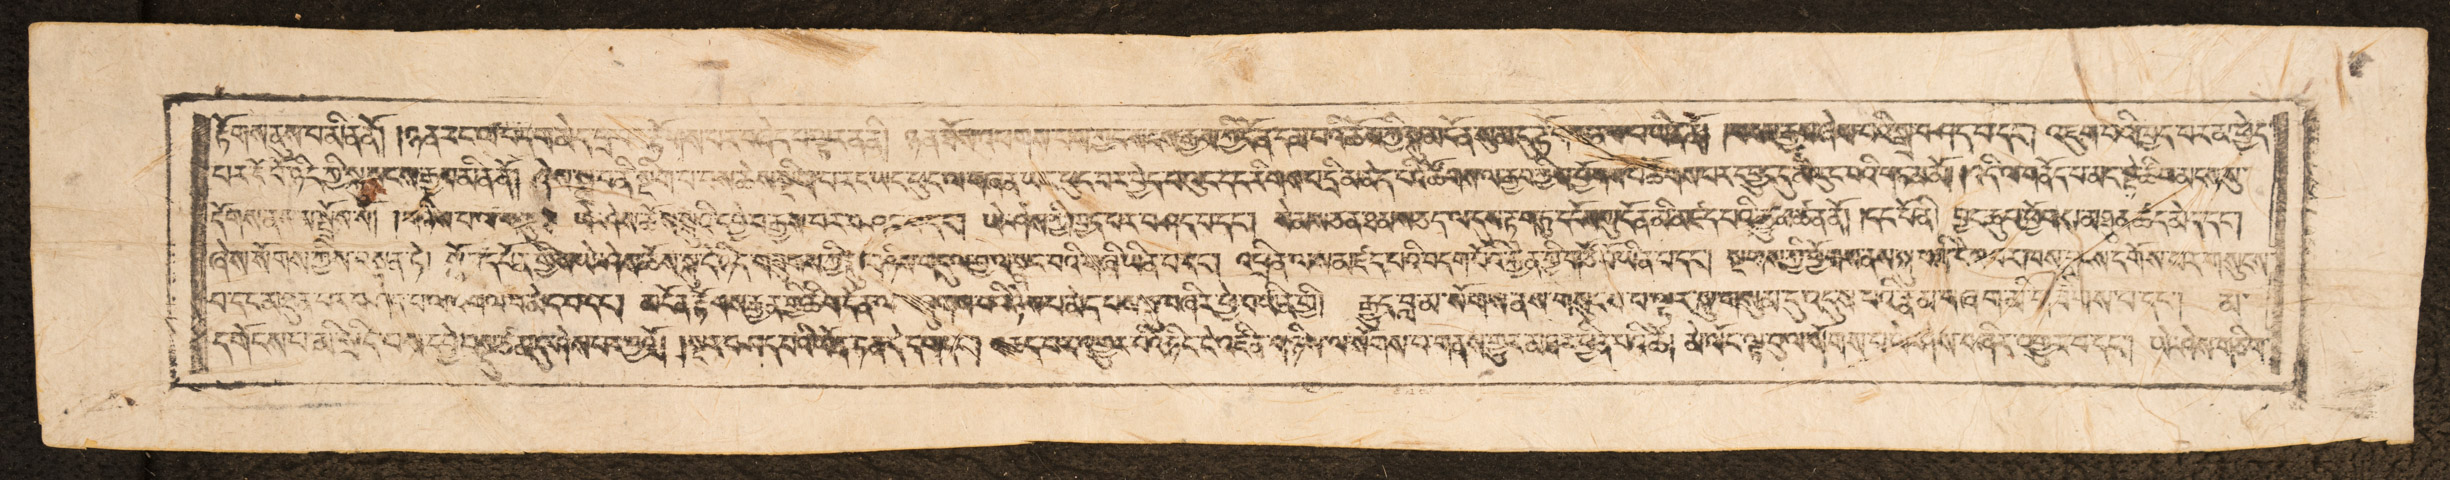རྟོགས་ནུས་པ་མིན་ནོ། །ཉན་རང་ལ་བདག་མེད་ཕྲ་བར་བཞེད་པ་ལྟར་ན་ནི། ཉན་ཐོས་འཕགས་པས་ཀྱང་སངས་རྒྱས་ཀྱི་དོན་དམ་པའི་ཆོས་ཀྱི་སྐུ་མངོན་སུམ་དུ་རྟོགས་ནུས་པ་ཡིན་ནོ། །སངས་རྒྱས་ཞེས་པའི་སྒྲ་བཤད་པ་དང་། འཇུག་པའི་ཁྱད་པར་མ་ཕྱེད་
པར་ངོ་བོ་ཉིད་ཀྱི་སྐུ་སངས་རྒྱས་མིན་ནོ། ཞེས་སྨྲ་བ་ནི་སྡིག་པ་བས་ཆེས་སྡིག་པ་རང་ཡང་ཕུང་ལ་གཞན་ཡང་ཕུང་བར་བྱེད་པ་ལུང་དང་རིགས་པ་དྲི་མ་མེད་པའི་ཚོགས་ལ་རྒྱབ་ཀྱིས་ཕྱོགས་པ་ཚོགས་པར་དབྱུང་དུ་མི་རུང་བའི་གཏམ་མོ། །འདི་ལ་གནོད་པ་མང་སྟེ་ཚིག་མངས་སུ་
དོགས་ནས་མ་སྤྲོས་སོ། །གཉིས་པ་ལ་གསུམ། ཡེ་ཤེས་ཆོས་སྐུའི་དབྱེ་བ་རྒྱས་པར་བཤད་པ་དང་། ཡེ་ཤེས་ཀྱི་ཁྱད་པར་བཤད་པ་དང་། སེམས་ཅན་ཐམས་ཅད་ལ་དུས་རྟག་ཏུ་དངོས་སུ་དོན་མི་མཛད་པའི་རྒྱུ་མཚན་ནོ། །དང་པོ་ནི། བྱང་ཆུབ་ཕྱོགས་མཐུན་ཚད་མེད་དང་།
ཞེས་སོགས་ཀྱིས་བསྟན་ཏེ། སློབ་དཔོན་གྱིས་ཡེ་ཤེས་ཆོས་སྐུ་དེ་ཉིད་གཟུགས་ཀྱི་སྐུ་གཉིས་གདུལ་བྱ་ལ་སྣང་བའི་གཞི་ཡིན་པ་དང་། འཕྲིན་ལས་མཛད་པའི་བདག་པོའི་རྐྱེན་གྱི་གཙོ་བོ་ཡིན་པ་དང་། སྔགས་ཀྱི་ཕྱོགས་ནས་སྐུ་བཞི་ངེས་པར་ཁས་བླངས་དགོས་པར་གསུངས་
པ་དང་མཐུན་པར་བཤད་པ་ལ་འགལ་བ་མེད་པ་དང་། མངོན་རྟོགས་རྒྱན་གྱི་ཚིག་དོན་ལ་མ་ཞུགས་པའི་ཉེས་པ་མེད་པས་སྐུ་བཞིར་ཕྱེ་བ་ཡིན་གྱི། རྒྱུད་བླ་མ་སོགས་ནས་གསུངས་པ་ལྟར་སྐུ་གསུམ་དུ་འདུས་པའི་རྣམ་གཞག་མི་གཟིགས་པ་དང་། མ་
དགོངས་པ་མི་སྲིད་པས་དབྱེ་བསྡུ་ཙམ་དུ་ཤེས་པར་བྱའོ། །སྔར་བཤད་པའི་ཡོན་ཏན་དེ་དག་དང་། འཆད་པར་འགྱུར་བའི་ཏིང་ངེ་འཛིན་གཉིས་ལ་སོགས་པ་གནས་གྱུར་མཐར་ཕྱིན་པའི་ཚེ། མེ་ལོང་ལྟ་བུ་ལ་སོགས་པ་ཡེ་ཤེས་བཞིར་འགྱུར་བ་དང་། ཡེ་ཤེས་གཅིག་